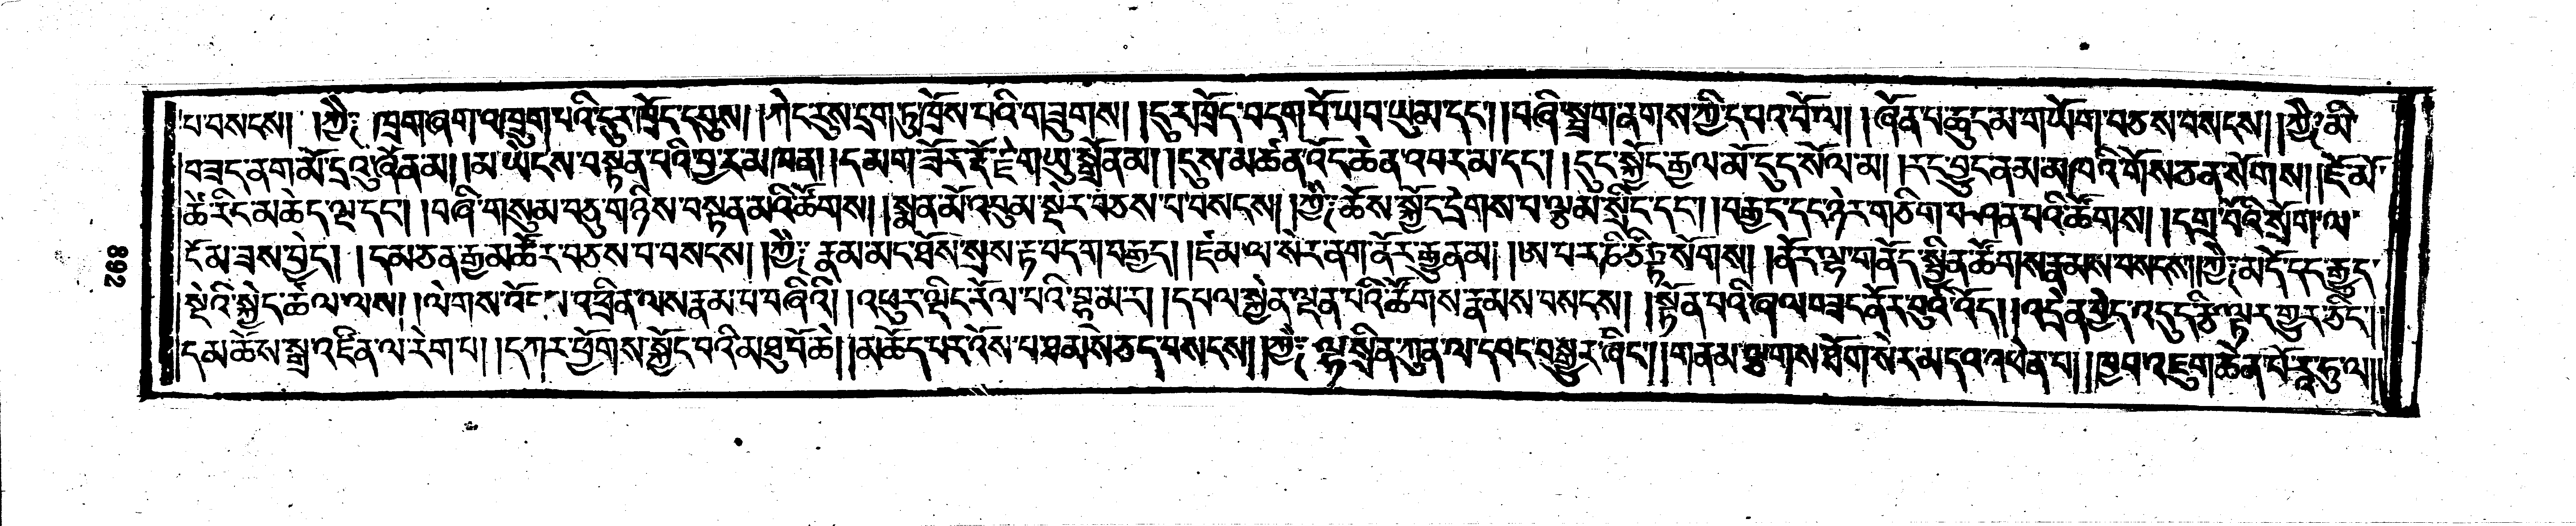པ་བསངས། །ཀྱཻ༑ ཁྲག་ཞག་འཁྲུག་པའི་དུར་ཁྲོད་དབུས། །ཀེང་རུས་དྲག་ཏུ་ཁྲོས་པའི་གཟུགས། །དུར་ཁྲོད་བདག་པོ་ཡབ་ཡུམ་དང་། །བཞི་སྦྲག་ནགས་ཀྱི་དཔའ་བོ་ལ། །ཞོན་པ་ཆུང་མ་གཡོག་བཅས་བསངས། །ཀྱཻ༑ མི་
བཟད་ནག་མོ་དྲེའུ་ཞོན་མ། །མ་ཡེངས་བསྟན་པའི་བྱ་ར་མཁན། །དམག་ཟོར་རྡོ་རྗེ་གཡུ་སྒྲོན་མ། །དུས་མཚན་འོད་ཆེན་འབར་མ་དང་། །དུང་སྐྱོང་རྒྱལ་མོ་དུང་སོལ་མ། །རང་བྱུང་ནམ་མཁའི་གོས་ཅན་སོགས། །ཇོ་མོ་
ཚེ་རིང་མཆེད་ལྔ་དང་། །བཞི་གསུམ་བཅུ་གཉིས་བསྟན་མའི་ཚོགས། །སྨན་མོ་འབུམ་སྡེར་བཅས་པ་བསངས། །ཀྱཻ༑ ཆོས་སྐྱོང་དྲེགས་པ་ལྕམ་སྲིང་དང་། །བརྒྱད་དང་ཉེར་གཅིག་བཤན་པའི་ཚོགས། །དགྲ་བོའི་སྲོག་ལ་
ངོམ་ཟས་བྱེད། །དམ་ཅན་རྒྱ་མཚོར་བཅས་པ་བསངས། །ཀྱཻ༑ རྣམ་མང་ཐོས་སྲས་རྟ་བདག་བརྒྱད། །ཛམ་ལ་སེར་ནག་ནོར་རྒྱུན་མ། །ཨ་པ་ར་ཎི་ཙིཏྟ་སོགས། །ནོར་ལྷ་གནོད་སྦྱིན་ཚོགས་རྣམས་བསངས། །ཀྱཻ༑ མདོ་དང་རྒྱུད་
སྡེའི་སྐྱེད་ཚལ་ལས། །ལེགས་འོངས་འཕྲིན་ལས་རྣམ་པ་བཞིའི། །འཕུར་ལྡིང་རོལ་པའི་བྷྲ་མ་ར། །དཔལ་སྐྱེན་ལྡན་པའི་ཚོགས་རྣམས་བསངས། །སྟོན་པའི་ཞལ་བཟང་ནོར་བུའི་འོད། །འདྲེན་བྱེད་བདུད་རྩི་ལྟར་གྱུར་ཅིང།།
དམ་ཆོས་སྒྲ་འཛིན་ལ་རེག་པ། །དཀར་ཕྱོགས་སྐྱོང་བའི་མཐུ་བོ་ཆེ། །མཆོད་པར་འོས་པ་ཐམས་ཅད་བསངས། །ཀྱཻ༑ ལྷ་སྲིན་ཀུན་ལ་དབང་བསྒྱུར་ཞིང་། །གནམ་ལྕགས་ཐོག་སེར་མདའ་འཕེན་པ། །ཁྱབ་འཇུག་ཆེན་པོ་རཱ་ཧུ་ལ།།